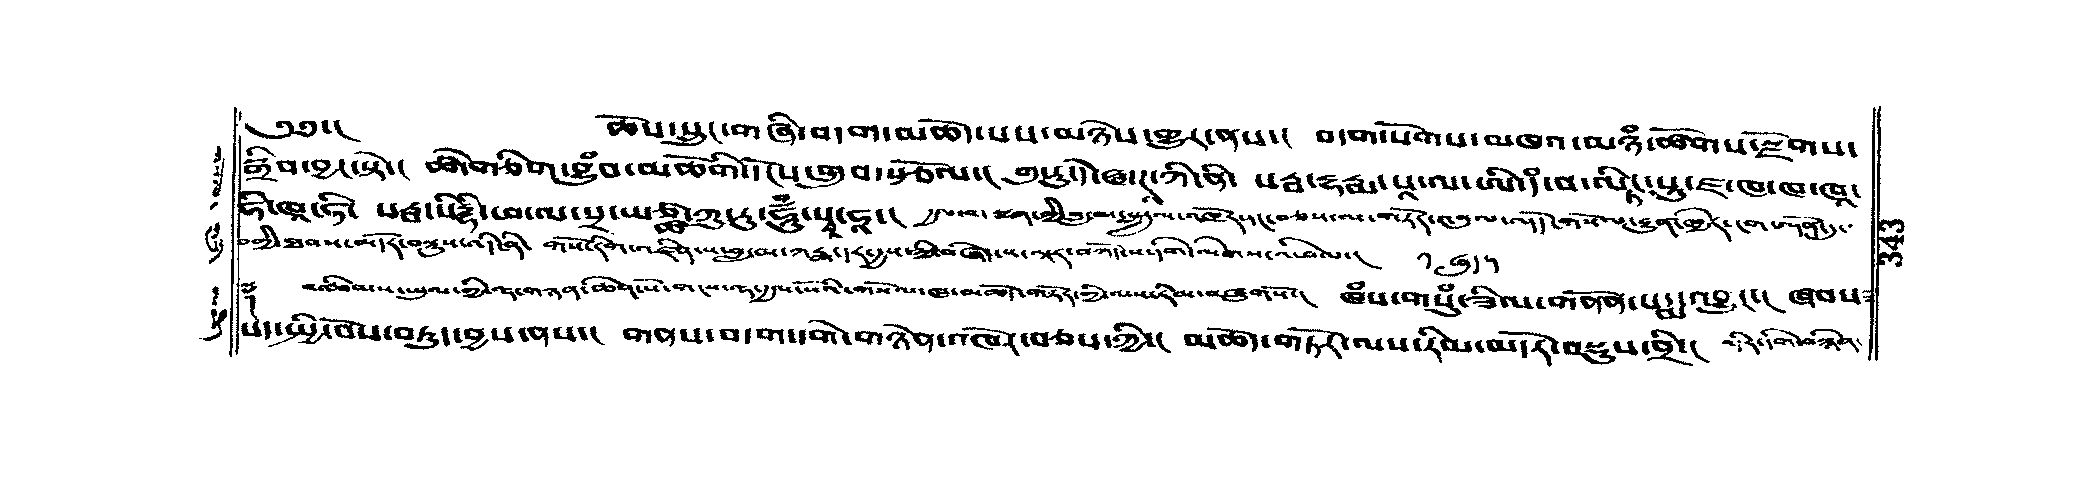ཆོས་སྲུང་གཞི་བདག་མཆོད་པས་མཉེས་གྱུར་ནས། །བདག་སོགས་མཁའ་མཉམ་ཚོགས་རྫོགས་
སྒྲིབ་སྦྱང་སྟེ། །ཚེ་གཅིག་བྱང་ཆུབ་མཆོག་གི་དངོས་གྲུབ་སྩོལ། །གུ་རུ་དེ་ཝ་ཌཱ་ཀི་ནི། སརྦ་དྷརྨ་པཱ་ལ་ཨི་དཾ་བ་ལིངྟ་པུ་ཛ་ཁ་ཁ་ཁཱ་
ཧི་ཁཱ་ཧི། སརྦ་སིདྡྷི་ཕ་ལ་པྲ་ཡཙྪ་ཀུ་རུ་ཧཱུྂ་སྭཱ་ཧཱ། རྒྱལ་བ་སྨན་གྱི་བླ་མ་སྤྲུལ་འཁོར་དང་བཅས་ལ་གཏོར་འབུལ་འདོད་གསོལ་རྒྱུན་ཁྱེར་ངག་འདོན་དུ་
བགྱི་ཐབས་མདོར་བསྡུས་ནི། གསོ་རིག་འཛིན་བླ་མ་ཀརྨ་དར་རྒྱས་ཀྱི་བཞེད་པ་ལྟར་བཀོད་པ་དགེ་ལེགས་འཕེལ། 
༈ མཆིམས་ཡུལ་གྱི་ལྷ་གཉན་ཆེན་པོ་གངས་ཀཧ་རྒྱལ་པོའི་གསོལ་ཁ་མཆོད་གཏོར་གྱི་ལས་རིམ་བཞུགས་སོ། ཁམས་གསུམ་ཟིལ་གནོན་པདྨ་འབྱུང་། །ཞབས་
པད་སྤྱི་བོས་བཏུད་བྱས་ནས། །གནས་བདག་དགེ་གཉན་འཁོར་བཅས་ཀྱི། །མཆོད་གཏོར་ལས་རིམ་མདོར་བསྡུས་བྲི། །འདིར་དགེ་བསྙེན་